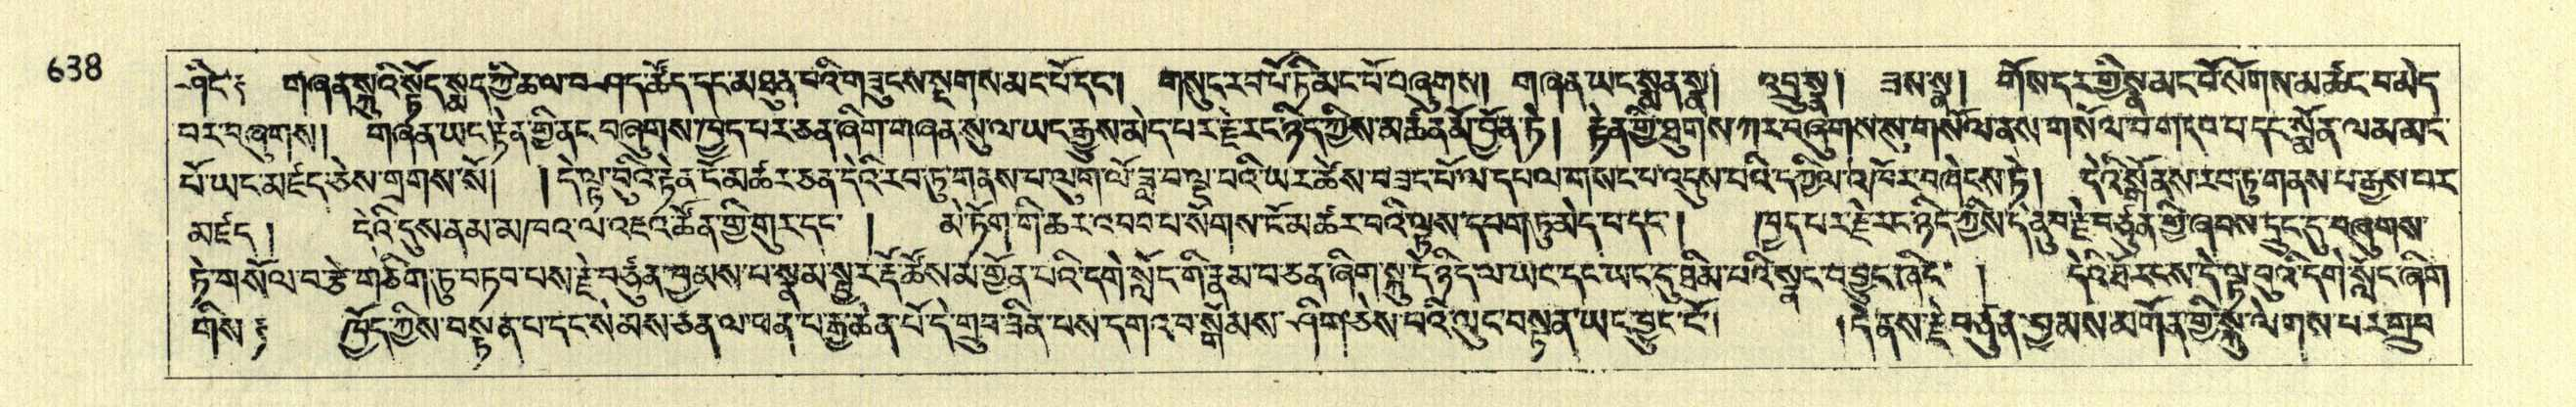ཤིང༑ གཞན་སྐུའི་སྟོད་སྨད་ཀྱི་ཆ་ལ་བཤད་ཚོད་དང་མཐུན་པའི་གཟུངས་སྔགས་མང་པོ་དང་། གསུང་རབ་པོ་ཏི་མང་པོ་བཞུགས། གཞན་ཡང་སྨན་སྣ། འབྲུ་སྣ། ཟས་སྣ། གོས་དར་གྱི་སྣ་མང་པོ་སོགས་མཚང་བ་མེད་
བར་བཞུགས། གཞན་ཡང་རྟེན་གྱི་ནང་བཞུགས་ཁྱད་པར་ཅན་ཞིག་གཞན་སུ་ལ་ཡང་རྒྱུས་མེད་པར་རྗེ་རང་ཉིད་ཀྱིས་མཚན་མོ་བྱོན་ཏེ། རྟེན་གྱི་ཐུགས་ཀར་བཞུགས་སུ་གསོལ་ནས་གསོལ་བ་གདབ་པ་དང་སྨོན་ལམ་མང་
པོ་ཡང་མཛད་ཅེས་གྲགས་སོ། །དེ་ལྟ་བུའི་རྟེན་ངོ་མཚར་ཅན་དེའི་རབ་ཏུ་གནས་པ་ལུག་ལོ་ཟླ་བ་ལྔ་པའི་ཡར་ཚེས་བཟང་པོ་ལ་དཔལ་གསང་པ་འདུས་པའི་དཀྱིལ་འཁོར་བཞེངས་ཏེ། དེའི་སྒོ་ནས་རབ་ཏུ་གནས་པ་རྒྱས་པར་
མཛད། དེའི་དུས་ནམ་མཁའ་ལ་འཇའ་ཚོན་གྱི་གུར་དང་། མེ་ཏོག་གི་ཆར་འབབ་པ་སོགས་ངོ་མཚར་བའི་ལྟས་དཔག་ཏུ་མེད་པ་དང་། ཁྱད་པར་རྗེ་རང་ཉིད་ཀྱིས་དེ་ནུབ་རྗེ་བཙུན་གྱི་ཞབས་དྲུང་དུ་བཞུགས་
ཏེ་གསོལ་བ་རྩེ་གཅིག་ཏུ་བཏབ་པས་རྗེ་བཙུན་བྱམས་པ་སྣམ་སྦྱར་རྡོ་ཚོས་མ་གྱོན་པའི་དགེ་སློང་གི་རྣམ་པ་ཅན་ཞིག་སྐུ་དེ་ཉིད་ལ་ཡང་དང་ཡང་དུ་ཐིམ་པའི་སྣང་བ་བྱུང་ཞིང་། དེའི་ཐོ་རངས་དེ་ལྟ་བུའི་དགེ་སློང་ཞིག་
གིས༑ ཁྱོད་ཀྱིས་བསྟན་པ་དང་སེམས་ཅན་ལ་ཕན་པ་རྒྱ་ཆེན་པོ་དེ་གྲུབ་ཟིན་པས་དགའ་བ་སྒོམས་ཤིག་ཅེས་པའི་ལུང་བསྟན་ཡང་བྱུང་ངོ། །དེ་ནས་རྗེ་བཙུན་བྱམས་མགོན་གྱི་སྐུ་ལེགས་པར་གྲུབ་